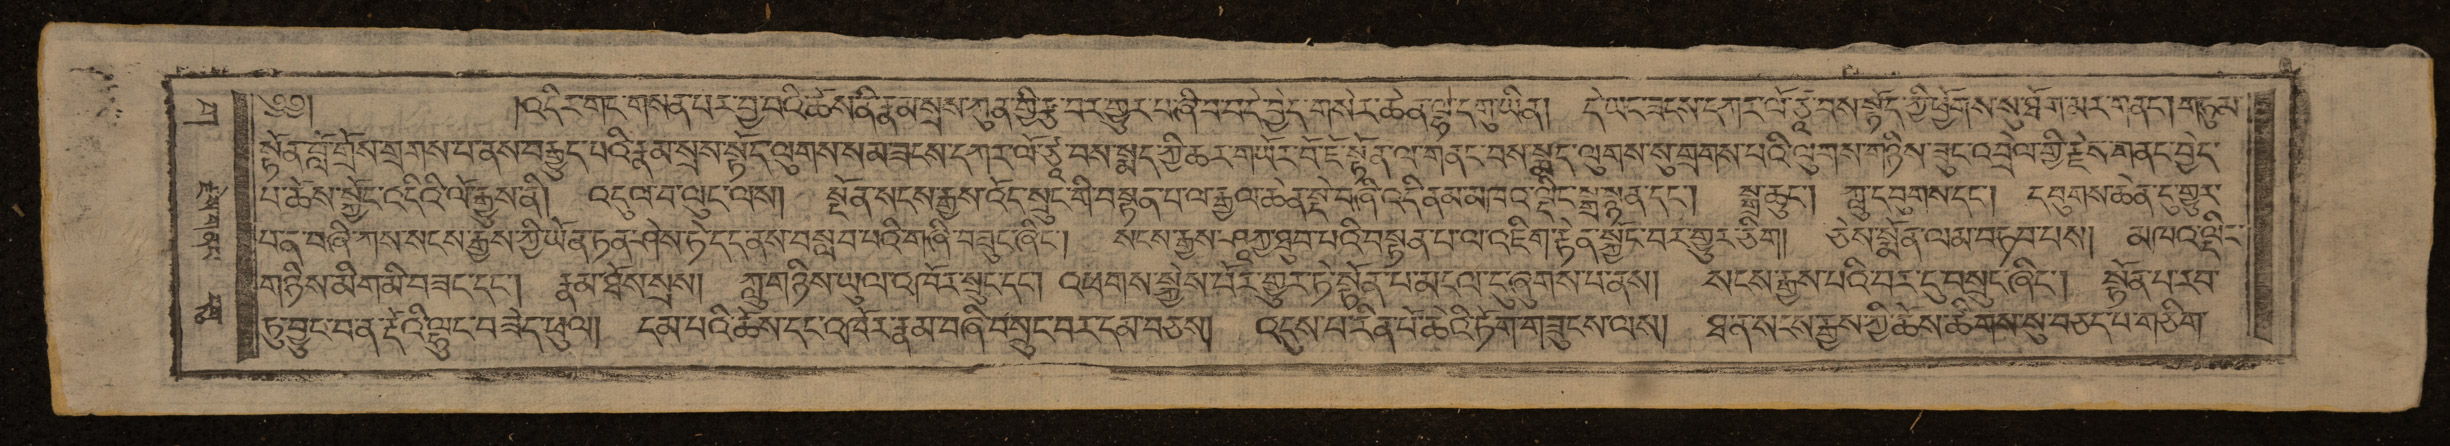༄༅། །འདིར་གང་གསན་པར་བྱ་བའི་ཆོས་ནི་རྣམ་སྲས་ཀུན་གྱི་རྩ་བར་གྱུར་པ་ཞི་བ་བདེ་བྱེད་གསེར་ཆེན་ལྷ་དགུ་ཡིན། དེ་ཡང་ཟངས་དཀར་ལོ་ཙཱ་བས་སྟོད་ཀྱི་ཕྱོགས་སུ་ཐོག་མར་གནང་། གཏུམ་
སྟོན་བློ་གྲོས་གྲགས་པ་ནས་བརྒྱུད་པའི་རྣམ་སྲས་སྟོད་ལུགས་སམ་ཟངས་དཀར་ལོ་ཙཱ་བས་སྨད་ཀྱི་ཆར་གཡོར་བོ་ཇོ་སྟོན་ལ་གནང་བས་སྨད་ལུགས་སུ་གྲགས་པའི་ལུགས་གཉིས་ཟུང་འབྲེལ་གྱི་རྗེས་གནང་བྱེད་
པ་ཆོས་སྐྱོང་འདིའི་ལོ་རྒྱུས་ནི། འདུལ་བ་ལུང་ལས། སྔོན་སངས་རྒྱས་འོད་སྲུང་གི་བསྟན་པ་ལ་རྒྱལ་ཆེན་སྡེ་བཞི་འདི་ནམ་མཁའ་ལྡིང་སྒྲ་སྙན་དང་། སྒྲ་ཆུང་། ཀླུ་དབུགས་དང་། དབུགས་ཆེན་དུ་གྱུར་
པ་ན་བཞི་ཀས་སངས་རྒྱས་ཀྱི་ཡོན་ཏན་ཤེས་ཏེ་དད་ནས་བསླབ་པའི་གཞི་བཟུང་ཞིང་། སངས་རྒྱས་ཤཱཀྱ་ཐུབ་པའི་བསྟན་པ་ལ་འཇིག་རྟེན་སྐྱོང་བར་གྱུར་ཅིག། ཅེས་སྨོན་ལམ་བཏབ་པས། མཁའ་ལྡིང་
གཉིས་མིག་མི་བཟང་དང་། རྣམ་ཐོས་སྲས། ཀླུ་གཉིས་ཡུལ་འཁོར་སྲུང་དང་། འཕགས་སྐྱེས་པོར་གྱུར་ཏེ་སྟོན་པ་མངལ་དུ་ཞུགས་པ་ནས། སངས་རྒྱས་པའི་བར་དུ་བསྲུང་ཞིང་། སྟོན་པ་རབ་
ཏུ་བྱུང་བ་ན་རྡོའི་ལྷུང་བཟེད་ཕུལ། དམ་པའི་ཆོས་དང་འཁོར་རྣམ་བཞི་བསྲུང་བར་དམ་བཅས། འདུས་པ་རིན་པོ་ཆེའི་ཏོག་གཟུངས་ལས། ཐ་ན་སངས་རྒྱས་ཀྱི་ཆོས་ཚིགས་སུ་བཅད་པ་གཅིག་